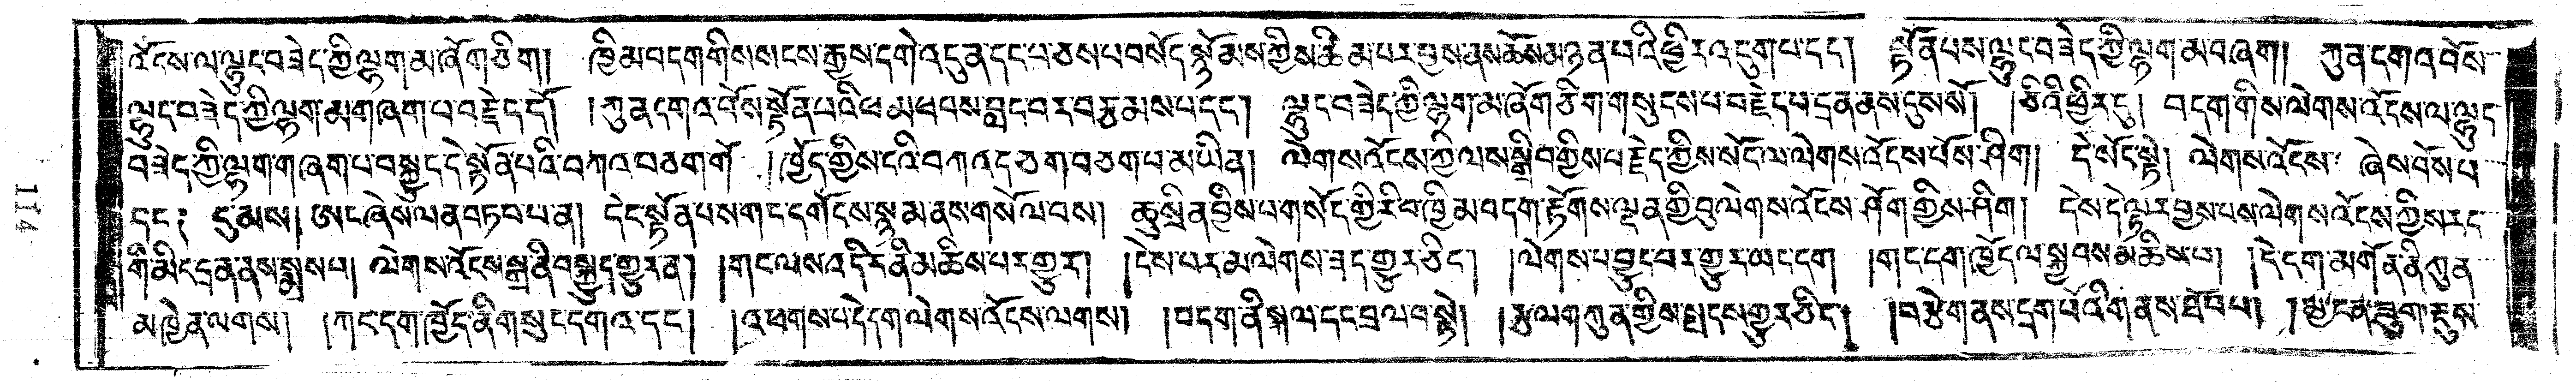འོངས་ལ་ལྷུང་བཟེད་ཀྱི་ལྷག་མ་ཞོ་གཅིག། ཁྱིམ་བདག་གིས་སངས་རྒྱས་དགེ་འདུན་དང་པ་ཅས་པ་བསོད་སྙོམས་ཀྱིས་ཚིམ་པར་བྱས་ནས་ཆོས་མཉན་པའི་ཕྱིར་འདུག་པ་དང་། སྟོན་པས་ལྷུང་བཟེད་ཀྱི་ལྷག་མ་བཞག། ཀུན་དགའ་བོས་
ལྷུང་བཟེད་ཀྱི་ལྷག་མ་གཞག་པ་བརྗོད་དོ། །ཀུན་དགའ་བོས་སྟོན་པའི་ཕམ་ཕབས་བླང་བར་བརྩམས་པ་དང་། ལྷུང་བཟེད་ཀྱི་ལྷག་མ་ཞོག་ཅིག་གསུངས་པ་བརྗོད་པ་དྲན་ནས་དུས་སོ། །ཅིའི་ཕྱིར་དུ། བདག་གིས་ལེགས་འོངས་ལ་ལྷུང་
བཟེད་ཀྱི་ལྷག་གཞག་པ་བསྐྱུད་དེ་སྟོན་པའི་བཀའ་བཅག་གོ །ཁྱོད་གྱིས་ངའི་བཀའ་ད་ཅག་བཅག་པ་མ་ཡིན། ལེགས་འོངས་ཀྱི་ལས་སྒྲིབ་གྱིས་བརྗེད་ཀྱིས་སོང་ལ་ལེགས་འོངས་པོས་ཤིག། དེ་སོང་སྟེ། ལེགས་འོངསཿ ཞེས་བོས་པ་
དང༑ དུ་མས། ཨང་ཞེས་ལན་བཏབ་པ་ན། དེང་སྟོན་པས་གང་དགོངས་སྙམ་ནས་གསོལ་བས། ཆུ་སྲིན་བྱིས་པ་གསོད་གྱི་རི་བ་ཁྱིམ་བདག་རྟོགས་ལྡན་གྱི་བུ་ལེགས་འོངས་ཤོག་གྱིས་ཤིག། དེས་དེ་ལྟར་བྱས་པས་ལེགས་འོངས་ཀྱིས་རང་
གི་མིང་དྲན་ནས་སྨྲས་པ། ལེགས་འོངས་སྒྲ་ནི་བསྐྱུད་གྱུར་ན། །གང་ལས་འདིར་ནི་མཆིས་པར་གྱུར། །ངེས་པར་མ་ལེགས་ཟད་གྱུར་ཅིང་། །ལེགས་པ་བྱུང་བར་གྱུར་ཡང་དག །གང་དག་ཁྱོད་ལ་སྐྱབས་མཆིས་པ། །དེ་དག་མགོན་ནི་ཀུན་
མཁྱེན་ལགས། །ཀང་དག་ཁྱོད་ནི་གསུང་དགའ་དང་། །འཕགས་པ་དེ་དག་ལེགས་འོངས་ལགས། །བདག་ནི་སྐལ་དང་བྲལ་བ་སྟེ། །རྩ་ལག་ཀུན་གྱིས་སྤངས་གྱུར་ཅིང་། །བརྩེགས་ནས་དྲག་པོའི་གནས་ཐོབ་པ། །མྱ་ངན་ཟུག་རྡུས་